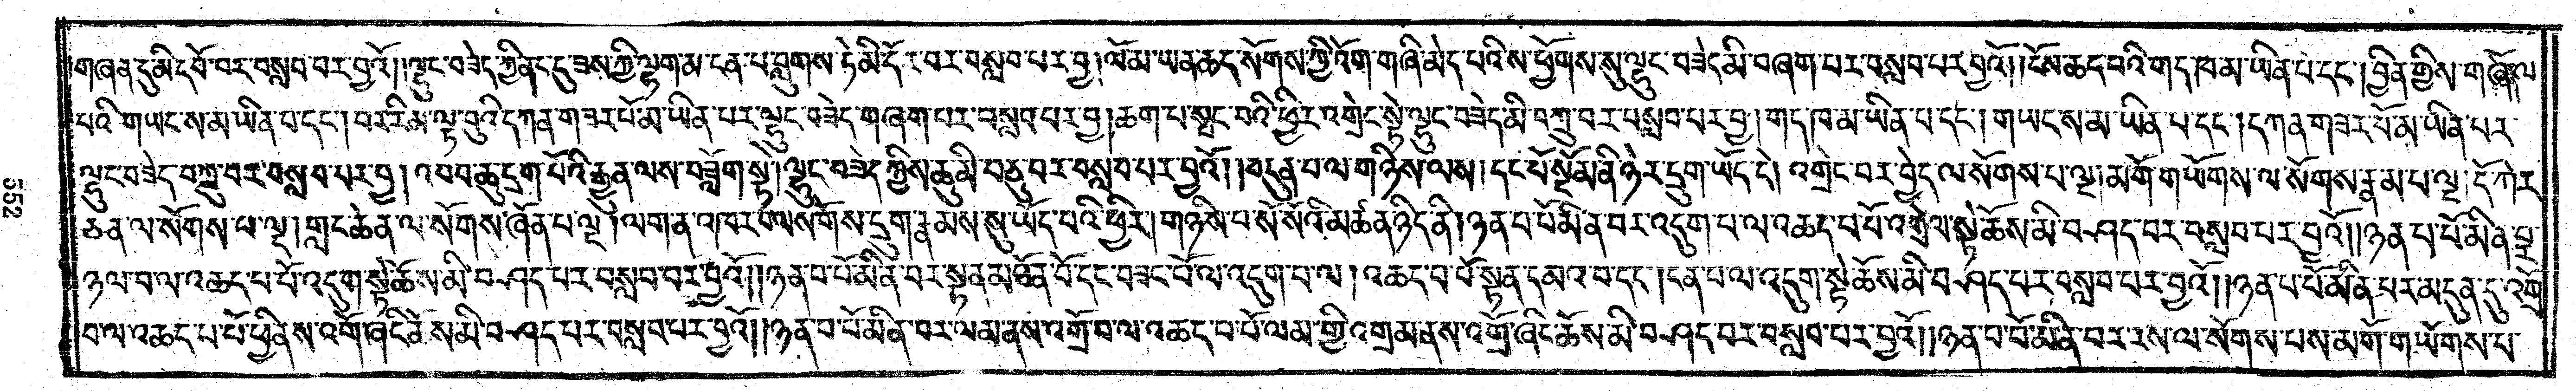གཞན་དུ་མི་དབོ་བར་བསླབ་པར་བྱའོ། །ལྷུང་བཟེད་ཀྱི་ནང་དུ་ཟས་ཀྱི་ལྷག་མ་ངན་པ་བླུགས་ཏེ་མི་དོར་བར་བསླབ་པར་བྱ། ལོ་མ་ཡན་ཆད་སོགས་ཀྱི་འོག་གཞི་མེད་པའི་ས་ཕྱོགས་སུ་ལྷུང་བཟེད་མི་བཞག་པར་བསླབ་པར་བྱའོ། །ངོས་ཆད་པའི་གད་ཁམ་ཡིན་པ་དང་། བྱིན་གྱིས་གཞོ་ལ་
པའི་གཡང་ས་མ་ཡིན་པ་དང་། བར་རིམ་ལྟ་བུའི་དཀན་གཟར་པོ་མ་ཡིན་པར་ལྷུང་བཟེད་གཞག་པར་བསླབ་པར་བྱ། ཆག་པ་སྤང་བའི་ཕྱིར་འགྲེང་སྟེ་ལྷུང་བཟེད་མི་བཀྲུ་བར་བསླབ་པར་བྱ། གད་ཁ་མ་ཡིན་པ་དང་། གཡང་ས་མ་ཡིན་པ་དང་། དཀན་གཟར་པོ་མ་ཡིན་པར་
ལྷུང་བཟེད་བཀྲུ་བར་བསླབ་པར་བྱ། འབབ་ཆུ་དྲག་པོའི་རྒྱུན་ལས་བཟློག་སྟེ། ལྷུང་བཟེད་ཀྱིས་ཆུ་མི་བཅུ་བར་བསླབ་པར་བྱའོ། །བདུན་པ་ལ་གཉིས་ལས། དང་པོ་སྔོམ་ནི་ཉེར་དྲུག་ཡོད་དེ། འགྲེང་བར་བྱེད་ལ་སོགས་པ་ལྔ། མགོ་གཡོགས་ལ་སོགས་རྣམ་པ་ལྔ། དོ་ཀེར་
ཅན་ལ་སོགས་པ་ལྔ། གླང་ཆེན་ལ་སོགས་ཞོན་པ་ལྔ། ལག་ན་འཁར་བ་ལ་སོགས་དྲུག་རྣམས་སུ་ཡོད་པའི་ཕྱིར། གཉིས་པ་སོ་སོའི་མཚན་ཉིད་ནི། ཉན་པ་པོ་མིན་བར་འདུག་པ་ལ་འཆད་པ་པོ་འགྲེལ་སྟེ་ཆོས་མི་བཤད་བར་བསླབ་པར་བྱའོ། །ཉན་པ་པོ་མིན་པར་
ཉལ་བ་ལ་འཆད་པ་པོ་འདུག་སྟེ་ཆོས་མི་བཤད་པར་བསླབ་བར་བྱའོ། །ཉན་པ་པོ་མིན་བར་སྟན་མཐོན་པོ་དང་བཟང་པོ་ལ་འདུག་པ་ལ། འཆད་པ་པོ་སྟན་དམའ་བ་དང་། ངན་པ་ལ་འདུག་སྟེ་ཆོས་མི་བཤད་པར་བསླབ་པར་བྱའོ། །ཉན་པ་པོ་མིན་པར་མདུན་དུ་འགྲོ་
པ་ལ་འཆད་པ་པོ་ཕྱི་ནས་འགོ་ཞིང་ཆོས་མི་བཤད་པར་བསླབ་པར་བྱའོ། །ཉན་པ་པོ་མིན་བར་ལམ་ནས་འགྲོ་བ་ལ་འཆད་པ་པོ་ལམ་གྱི་འགྲམ་ནས་འགྲོ་ཞིང་ཆོས་མི་བཤད་པར་བསླབ་པར་བྱའོ། །ཉན་པ་པོ་མིན་པར་རས་ལ་སོགས་པས་མགོ་གཡོགས་པ་